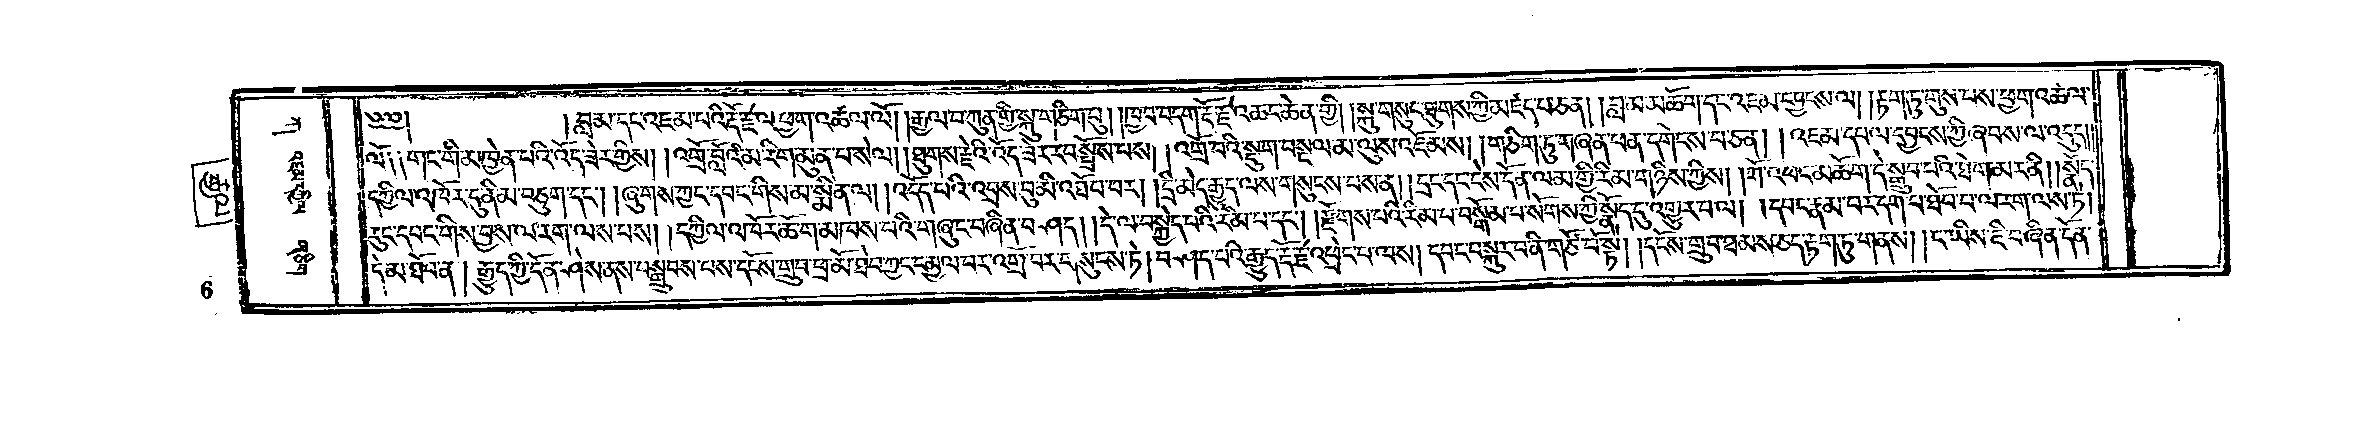༄༅༅། །བླ་མ་དང་འཇམ་པའི་རྡོ་རྗེ་ལ་ཕྱག་འཚལ་ལོ། །རྒྱལ་བ་ཀུན་གྱི་སྐུ་གཅིག་བུ། །ཁྱབ་བདག་རྡོ་རྗེ་འཆང་ཆེན་གྱི། །སྐུ་གསུང་ཐུགས་ཀྱི་མཛད་པ་ཅན། །བླ་མ་མཆོག་དང་འཇམ་དབྱངས་ལ། །རྟག་ཏུ་གུས་པས་ཕྱག་འཚལ་
ལོ༑ ༑གང་གི་མཁྱེན་པའི་འོད་ཟེར་གྱིས། །འགྲོ་བློའི་མ་རིག་མུན་པ་སེལ། །ཐུགས་རྗེའི་འོད་ཟེར་རབ་སྤྲོས་པས། །འགྲོ་བའི་སྡུག་བསྔལ་མ་ལུས་འཇོམས། །གཅིག་ཏུ་གཞན་ཕན་དགེངས་པ་ཅན། །འཇམ་དཔལ་དབྱངས་ཀྱི་ཞབས་ལ་འདུད། །
དཀྱིལ་འཁོར་དུ་ནི་མ་བཅུག་དང་། །ཞུགས་ཀྱང་དབང་གིས་མ་སྨིན་ལ། །འདོད་པའི་འབྲས་བུ་མི་འཐོབ་པར། །དྲི་མེད་རྒྱུད་ལས་གསུངས་པས་ན། །དྲང་དང་ངེས་དོན་ལམ་གྱི་རིམ་གཉིས་ཀྱིས། །གོ་འཕང་མཆོག་དེ་སྒྲུབ་པའི་ཐེག་མར་ནི། །སྣོད་
རུང་དབང་གིས་བྱས་ལ་རག་ལས་པས། །དཀྱིལ་འཁོར་ཆོ་ག་མཁས་པའི་གཞུང་བཞིན་བཤད། །དེ་ལ་བསྐྱེད་པའི་རིམ་པ་དང་། །རྫོགས་པའི་རིམ་པ་བསྒོམ་པ་སོགས་ཀྱི་སྣོད་དུ་འགྱུར་བ་ལ། །དབང་རྣམ་པར་དག་པ་ཐོབ་པ་ལ་རག་ལས་ཏེ།
དེ་མ་ཐོབ་ན། རྒྱུད་ཀྱི་དོན་ཤེས་ནས་བསྒྲུབས་པས་དངོས་གྲུབ་ཕྲ་མོ་ཐེབ་ཀྱང་དམྱལ་བར་འགྲོ་བར་གསུངས་ཏེ། བཤད་པའི་རྒྱུད་རྡོ་རྗེ་འཕྲེང་བ་ལས། དབང་བསྐུར་བ་ནི་གཙོ་བོ་སྟེ། །དངོས་གྲུབ་ཐམས་ཅད་རྟག་ཏུ་གནས། །ང་ཡིས་ཇི་བཞིན་དོན་